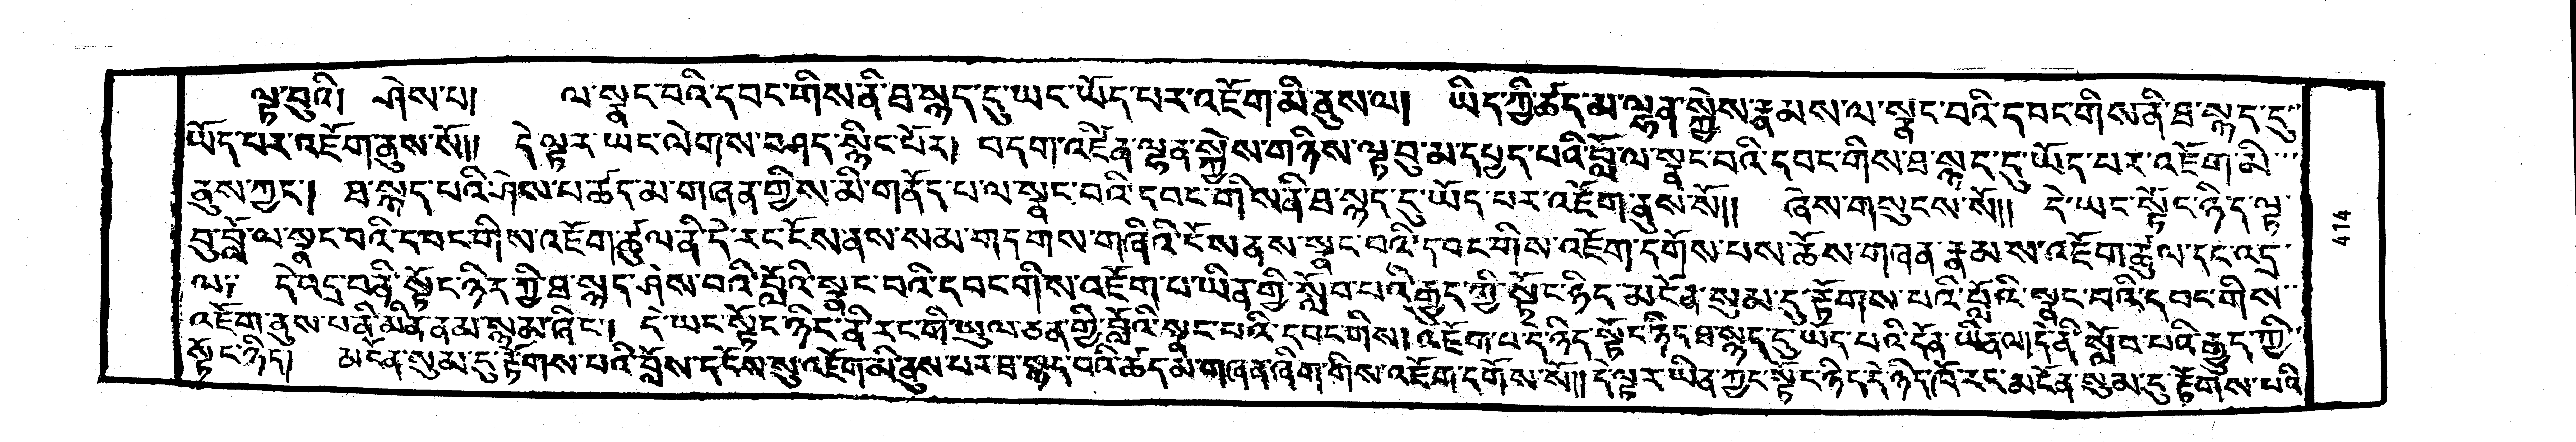ལྟ་བུའི། ཤེས་པ། ལ་སྣང་བའི་དབང་གིས་ནི་ཐ་སྙད་དུ་ཡང་ཡོད་པར་འཇོག་མི་ནུས་ལ། ཡིད་ཀྱི་ཚད་མ་ལྷན་སྐྱེས་རྣམས་ལ་སྣང་བའི་དབང་གིས་ནི་ཐ་སྙད་དུ་
ཡོད་པར་འཇོག་ནུས་སོ། །དེ་ལྟར་ཡང་ལེགས་བཤད་སྙིང་པོར། བདག་འཛིན་ལྷན་སྐྱེས་གཉིས་ལྟ་བུ་མ་དཔྱད་པའི་བློ་ལ་སྣང་བའི་དབང་གིས་ཐ་སྙད་དུ་ཡོད་པར་འཇོག་མི་
ནུས་ཀྱང་། ཐ་སྙད་པའི་ཤེས་པ་ཚད་མ་གཞན་གྱིས་མི་གནོད་པ་ལ་སྣང་བའི་དབང་གིས་ནི་ཐ་སྙད་དུ་ཡོད་པར་འཇོག་ནུས་སོ། །ཞེས་གསུངས་སོ། །དེ་ཡང་སྟོང་ཉིད་ལྟ་
བུ་བློ་ལ་སྣང་བའི་དབང་གིས་འཇོག་ཚུལ་ནི་དེ་རང་ངོས་ནས་སམ་གདགས་གཞིའི་ངོས་ནས་སྣང་བའི་དབང་གིས་འཇོག་དགོས་པས་ཆོས་གཞན་རྣམས་འཇོག་ཚུལ་དང་འདྲ་
ལ། དེ་འདྲ་བ་ནི་སྟོང་ཉིད་ཀྱི་ཐ་སྙད་ཤེས་པའི་བློའི་སྣང་བའི་དབང་གིས་འཇོག་པ་ཡིན་གྱི་སློབ་པའི་རྒྱུད་ཀྱི་སྟོང་ཉིད་མངོན་སུམ་དུ་རྟོགས་པའི་བློའི་སྣང་བའི་དབང་གིས་
འཇོག་ནུས་པ་ནི་མིན་ནམ་སྙམ་ཞིང་། དེ་ཡང་སྟོང་ཉིད་ནི་རང་གི་ཡུལ་ཅན་གྱི་བློའི་སྣང་བའི་དབང་གིས། འཇོག་པ་དེ་ཉིད་སྟོང་ཉིད་ཐ་སྙད་དུ་ཡོད་པའི་དོན་ཡིན་ལ། དེ་ནི་སློབ་པའི་རྒྱུད་ཀྱི་སྟོང་ཉིད། མངོན་སུམ་དུ་རྟོགས་པའི་བློས་དངོས་སུ་འཇོག་མི་ནུས་པར་ཐ་སྙད་པའི་ཚད་མ་གཞན་ཞིག་གིས་འཇོག་དགོས་སོ། །དེ་ལྟར་ཡིན་ཀྱང་སྟོང་ཉིད་དེ་ཉིད་ཁོ་རང་མངོན་སུམ་དུ་རྟོགས་པའི་